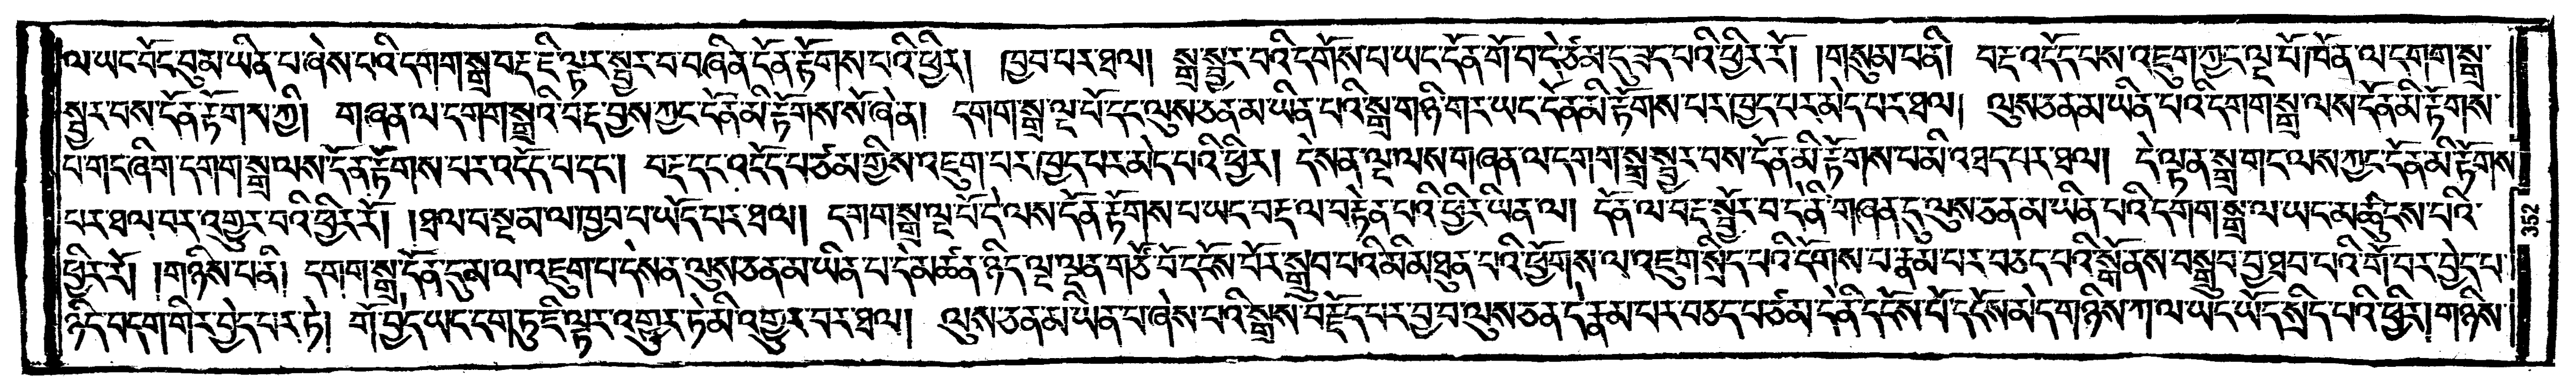ལ་ཡང་བོང་བུམ་ཡིན་པ་ཞེས་པའི་དགག་སྒྲ་བརྡ་ཇི་ལྟར་སྦྱར་བ་བཞིན་དོན་རྟོགས་པའི་ཕྱིར། ཁྱབ་པར་ཐལ། སྒྲ་སྦྱར་བའི་དགོས་པ་ཡང་དོན་གོ་བ་དེ་ཙམ་དུ་ཟད་པའི་ཕྱིར་རོ། །གསུམ་པ་ནི། བརྡ་འདོད་པས་འཇུག་ཀྱང་ལྔ་པོ་ཁོ་ན་ལ་དགག་སྒྲ་
སྦྱར་བས་དོན་རྟོགས་ཀྱི། གཞན་ལ་དགག་སྒྲའི་བརྡ་བྱས་ཀྱང་དོན་མི་རྟོགས་སོ་ཞེ་ན། དགག་སྒྲ་ལྔ་པོ་དང་ལུས་ཅན་མ་ཡིན་པའི་སྒྲ་གཉི་གར་ཡང་དོན་མི་རྟོགས་པར་ཁྱད་པར་མེད་པར་ཐལ། ལུས་ཅན་མ་ཡིན་པའི་དགག་སྒྲ་ལས་དོན་མི་རྟོགས་
པ་གང་ཞིག་དགག་སྒྲ་ལས་དོན་རྟོགས་པར་འདོད་པ་དང་། བརྡ་དང་འདོད་པ་ཙམ་གྱིས་འཇུག་པར་ཁྱད་པར་མེད་པའི་ཕྱིར། ངེས་ན་ལྔ་ལས་གཞན་ལ་དགག་སྒྲ་སྦྱོར་བས་དོན་མི་རྟོགས་པ་མི་འཐད་པར་ཐལ། དེ་ལྟ་ན་སྒྲ་གང་ལས་ཀྱང་དོན་མི་རྟོགས་
པར་ཐལ་བར་འགྱུར་བའི་ཕྱིར་རོ། །ཐལ་བ་སྔ་མ་ལ་ཁྱབ་པ་ཡོད་པར་ཐལ། དགག་སྒྲ་ལྔ་པོ་དེ་ལས་དོན་རྟོགས་པ་ཡང་བརྡ་ལ་བརྟེན་པའི་ཕྱིར་ཡིན་ལ། དོན་ལ་བརྡ་སྦྱོར་བ་དེ་ནི་གཞན་དུ་ལུས་ཅན་མ་ཡིན་པའི་དགག་སྒྲ་ལ་ཡང་མཚུངས་པའི་
ཕྱིར་རོ། །གཉིས་པ་ནི། དགག་སྒྲ་དོན་དུ་མ་ལ་འཇུག་པ་ངེས་ན་ལུས་ཅན་མ་ཡིན་པ་དེ་མཚན་ཉིད་ལྔ་ལྡན་གཙོ་བོ་དངོས་བོར་སྒྲུབ་པའི་མི་མཐུན་པའི་ཕྱོགས་ལ་འཇུག་སྲིད་པའི་དགོས་པ་རྣམ་པར་བཅད་པའི་སྒོ་ནས་བསྒྲུབ་བྱ་ཐབ་པའི་གོ་བར་བྱེད་པ་
ཉིད་བདག་གིར་བྱེད་པར་ཏེ། གོ་བྱེད་ཡང་དག་ཏུ་ཇི་ལྟར་འགྱུར་ཏེ་མི་འགྱུར་བར་ཐལ། ལུས་ཅན་མ་ཡིན་པ་ཞེས་པའི་སྒྲས་བརྗོད་པར་བྱ་བ་ལུས་ཅན་དེ་རྣམ་པར་བཅད་པ་ཙམ་དེ་ནི་དངོས་པོ་དངོས་མེད་གཉིས་ཀ་ལ་ཡང་ཡོད་སྲིད་པའི་ཕྱིར། གཉིས་